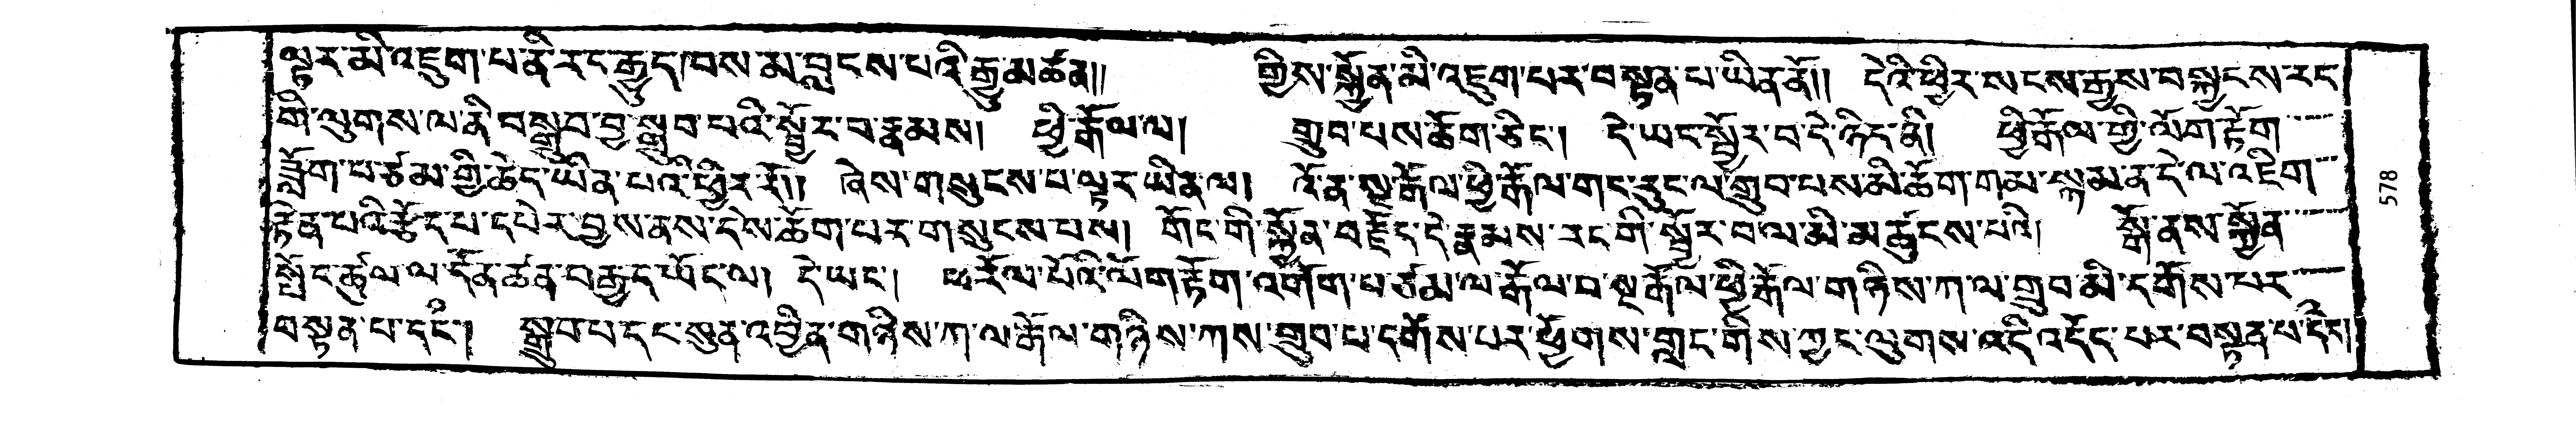ལྟར་མི་འཇུག་པ་ནི་རང་རྒྱུད་ཁས་མ་བླངས་པའི་རྒྱུ་མཚན།། གྱིས་སྐྱོན་མི་འཇུག་པར་བསྟན་པ་ཡིན་ནོ།། དེའི་ཕྱིར་སངས་རྒྱས་བསྐྱངས་རང་
གི་ལུགས་ལ་ནི་བསྒྲུབ་བྱ་སྒྲུབ་པའི་སྦྱོར་བ་རྣམས། ཕྱི་རྒོལ་ལ། གྲུབ་པས་ཆོག་ཅིང་། དེ་ཡང་སྦྱོར་བ་དེ་ཉིད་ནི། ཕྱི་རྒོལ་གྱི་ལོག་རྟོག་
ཟློག་པ་ཙམ་གྱི་ཆེད་ཡིན་པའི་ཕྱིར་རོ།། ཞེས་གསུངས་པ་ལྟར་ཡིན་ལ། འོ་ན་སྔ་རྒོལ་ཕྱི་རྒོལ་གང་རུང་ལ་གྲུབ་པས་མི་ཆོག་གམ་སྙམ་ན་དེ་ལ་འཇིག་
རྟེན་པའི་རྩོད་པ་དཔེར་བྱས་ནས་དེས་ཆོག་པར་གསུངས་པས། གོང་གི་སྐྱོན་བརྗོད་དེ་རྣམས་རང་གི་སྦྱོར་བ་ལ་མི་མཚུངས་པའི། སྒོ་ནས་སྐྱོན་
སྤོང་ཚུལ་ལ་དོན་ཚན་བརྒྱད་ཡོད་ལ། དེ་ཡང་། ཕ་རོལ་པོའི་ལོག་རྟོག་འགོག་པ་ཙམ་ལ་རྒོལ་བ་སྔ་རྒོལ་ཕྱི་རྒོལ་གཉིས་ཀ་ལ་གྲུབ་མི་དགོས་པར་
བསྟན་པ་དང་། སྒྲུབ་པ་དང་སུན་འབྱིན་གཉིས་ཀ་ལ་རྒོལ་གཉིས་ཀས་གྲུབ་པ་དགོས་པར་ཕྱོགས་གླང་གིས་ཀྱང་ལུགས་འདི་འདོད་པར་བསྟན་པ་དང་།